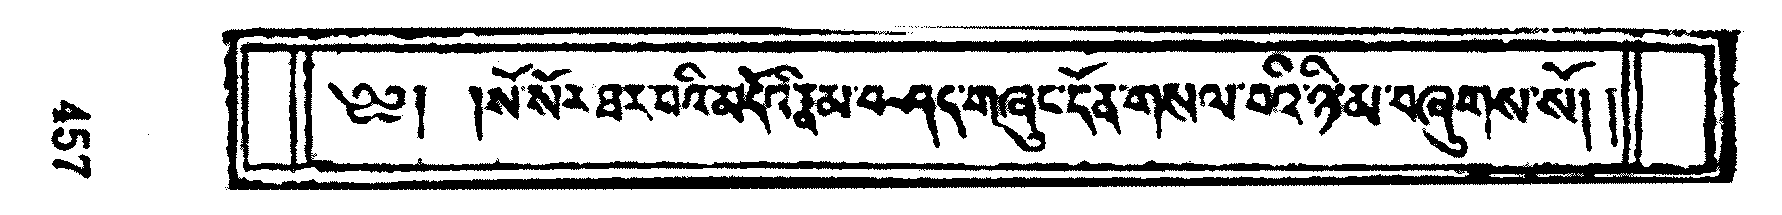༄༅། །སོ་སོར་ཐར་བའི་མདོའི་རྣམ་བཤད་གཞུང་དོན་གསལ་བའི་ཉི་མ་བཞུགས་སོ།།